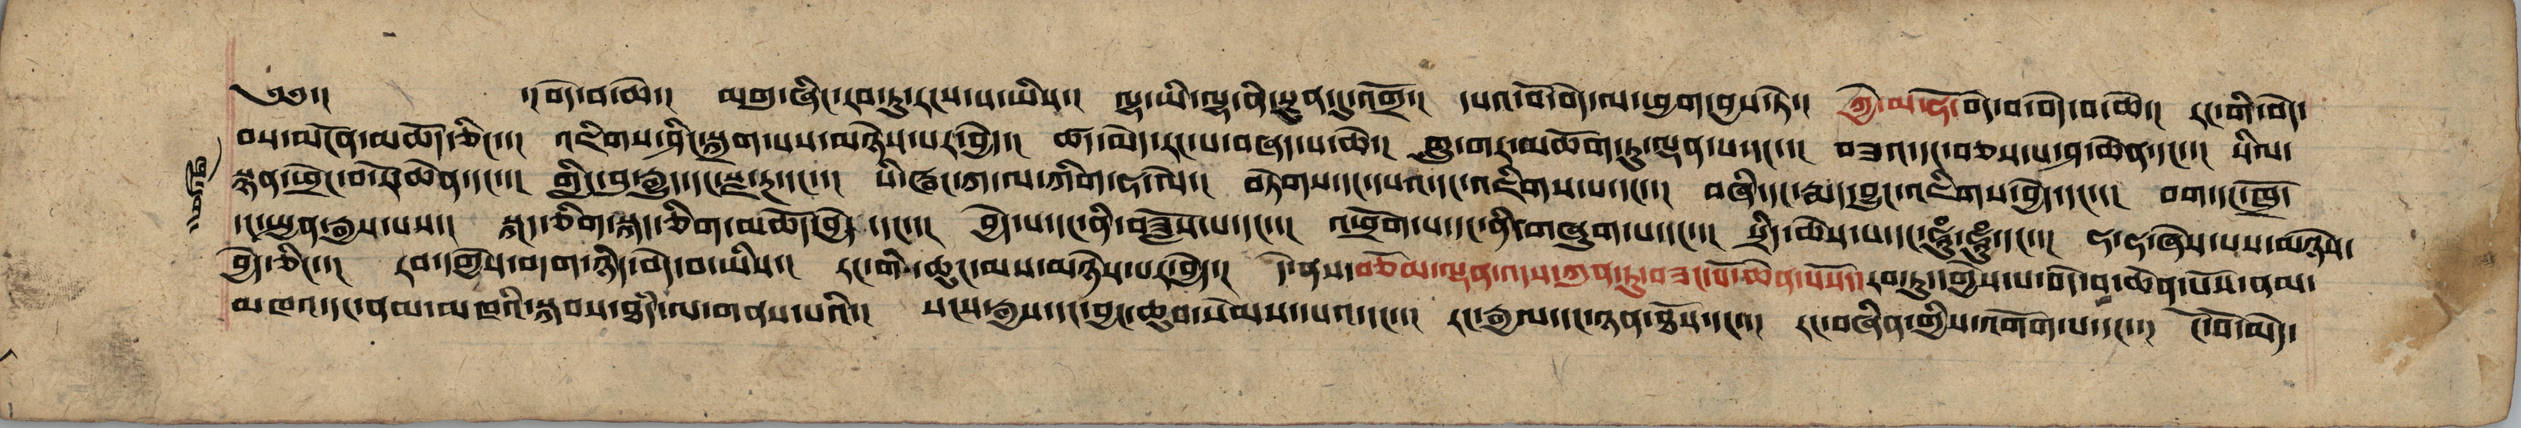༄༅་། ་།བདེ་བ་ཆེ་། མགུ་ཞིང་རབ་ཏུ་རངས་པ་ཡིས་། ལྷ་ཡི་ལྷ་ནི་ཡུན་དུ་འགྲོ་། དཔའ་བོ་བདེ་ལ་ཕྱག་བྱས་ཏེ་། ཀྱེ་མ་ཧོ་བདེ་བ་བདེ་བ་ཆེ་། རང་གི་བདེ་
བས་མངོན་མཆོད་ཅིང་་། འཇིགས་ཤིང་སྐྲགས་པས་མཉེས་པར་བྱེད་། ཚད་མེད་རང་ས་བཞད་པ་ཆེ་། གླུ་གར་མཆོག་ཏུ་ལྡན་པ་དང་་། གཟའ་དང་བཅས་་པ་ཤ་ཆེན་དང་་། སིལ་
སྙན་ཕྲེང་བ་རོ་ཆེན་དང་་། གླིང་བུ་རྒྱུད་དང་སྫ་རྔ་དང་་། པི་ཝང་ཀ་ལ་ཀིག་ཧ་ལེ་། བཏེགས་དང་དཔའ་དང་འཇིགས་པ་དང་་། བཞི་དང་རྨད་བྱུང་འཇིགས་བྱེད་དང་་། བག་དང་ཁྲོ་
དང་སྤྱན་རྒྱས་པས་། སྐད་ཅིག་སྐད་ཅིག་མཆོད་བྱེད ་དང་་། བྱེད་པ་དང་ནི་བཟློས་པ་དང་་། འཕྲོག་པ་དང་ནི་གཞུག་པ་དང་་། སྲིད་ཆེས་པ་དང་ཧཱུཾ་ཧཱུཾ་དང་་། ཧ་ཧ་ཞེས་པས་མཉེས་
བྱེད་ཅིང་་། རབ་དགྱེས་བདག་ཉིད་བདེ་བ་ཡིས་། རང་གི ་ཆུང་མས་མཉེས་པར་བྱེད་། དེ་ནས་བཅོམ་ལྡན་འདས་ཀུན་ཏུ་བཟང་པོ་ཆེན་པོས་་རབ་ཏུ་དགྱེས་པ་བདེ་བ་ཆེན་པོས་ནམ་
མཁའ་དང་ནམ་མཁའི་སྐབས་ཐཾད་ལ་གནས་པའི་། སངས་རྒྱས་དང་བྱང་ཆུབ་སེམས་དཔའ་དང་་། རང་རྒྱལ་དང་ཉན་ཐོས་དང་་། རང་བཞིན་གྱིས་འགོག་པ་དང་་། ངོ་བོ་མེད་